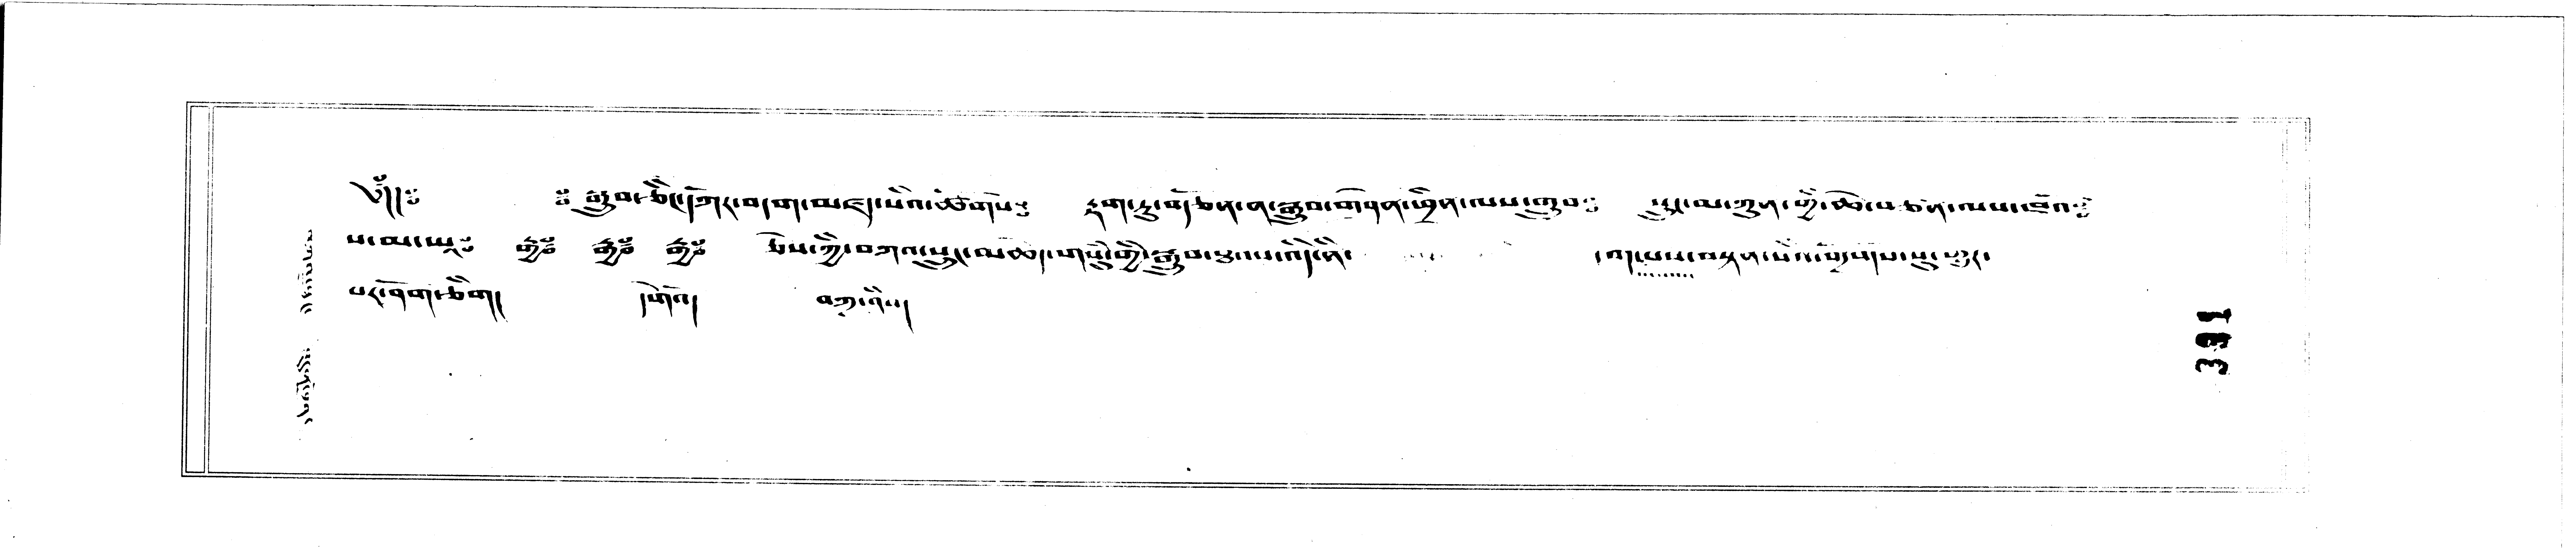༔སྒྲུབ་ཅིང་དཀོར་བདག་མཛད་པའི་ཚོགས༔ རྟག་ཏུ་བརྩོན་ན་སྒྲུབ་གཤེན་ཕྲིན་ལས་གྲུབ༔ སྲུང་མ་ཀུན་གྱི་ཆེ་བཙན་ལས་ཁའོ༔
 ས་མ་ཡཱ༔རྒྱ༔རྒྱ༔རྒྱ༔ ཅེས་ཀྱི་བཀའ་སྲུང་མཆེད་གསུམ་གྱི་སྒྲུབ་ཐབས་འདི་ནི་༼༽པས་བསྟན་པའི་གྲོགས་སུ་འགྱུར་
བར་ཤོག་ཅིག དགེའོ། བཀྲ་ཤིས།